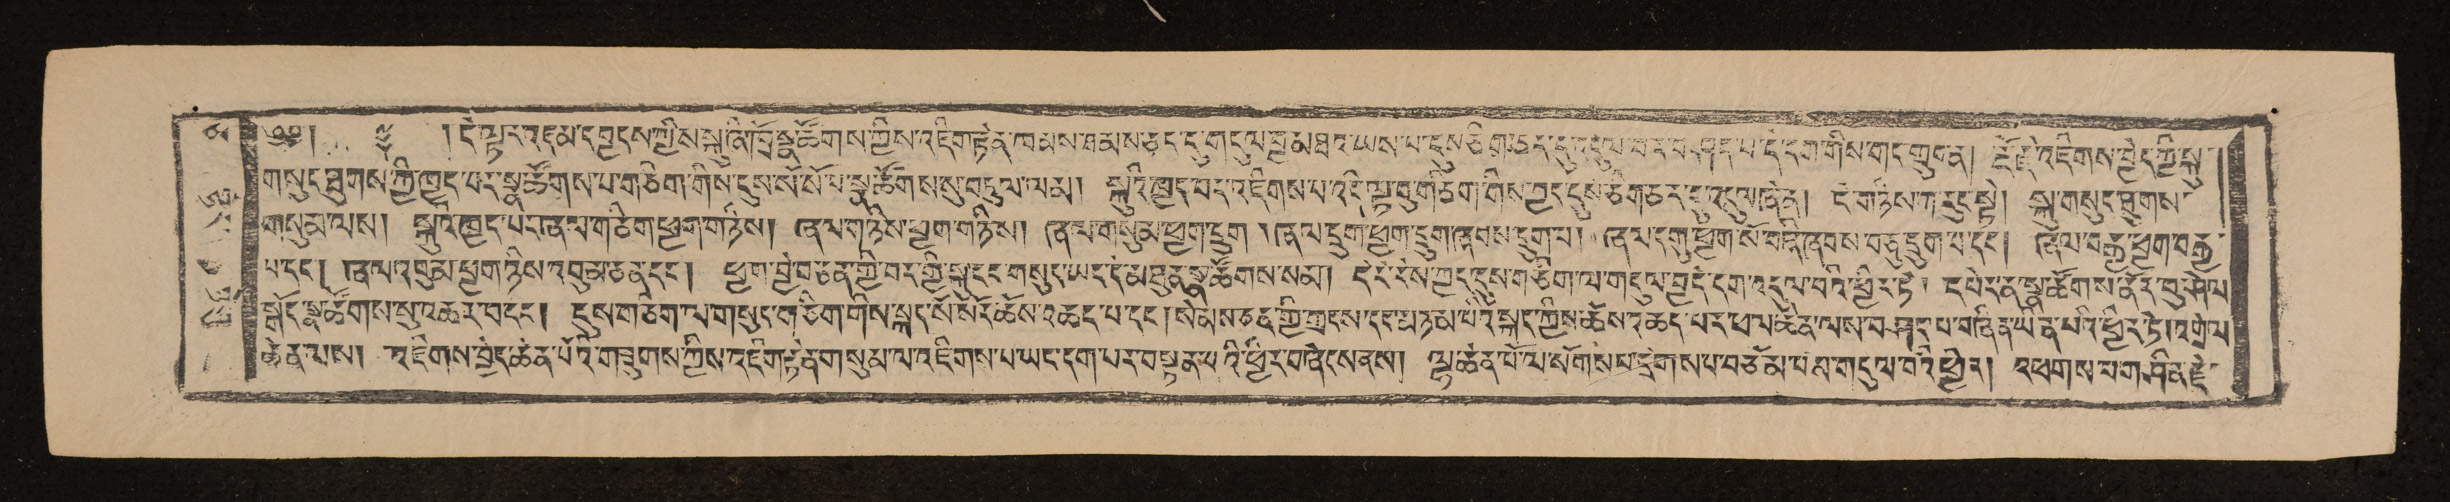༄༅། ༈ །དེ་ལྟར་འཇམ་དབྱངས་ཀྱིས་སྐུ་ཞི་ཁྲོ་སྣ་ཚོགས་ཀྱིས་འཇིག་རྟེན་ཁམས་ཐམས་ཅད་དུ་གདུལ་བྱ་མཐའ་ཡས་པ་དུས་ཅིག་ཅར་དུ་འདུལ་བར་བཤད་པ་དེ་དག་གིས་གང་གྲུབ་ན། རྡོ་རྗེ་འཇིགས་བྱེད་ཀྱི་སྐུ་
གསུང་ཐུགས་ཀྱི་ཁྱད་པར་སྣ་ཚོགས་པ་གཅིག་གིས་དུས་སོ་སོ་བ་སྣ་ཚོགས་སུ་བཏུལ་ལམ། སྐུའི་ཁྱད་པར་འཇིགས་པ་འདི་ལྟ་བུ་གཅིག་གིས་ཀྱང་དུས་ཅིག་ཅར་དུ་འདུལ་ཞེ་ན། དེ་གཉིས་ཀ་རུང་སྟེ། སྐུ་གསུང་ཐུགས་
གསུམ་ལས། སྐུའི་ཁྱད་པར་ཞལ་གཅིག་ཕྱག་གཉིས། ཞལ་གཉིས་ཕྱག་གཉིས། ཞལ་གསུམ་ཕྱག་དྲུག །ཞལ་དྲུག་ཕྱག་དྲུག་ཞབས་དྲུག་པ། ཞལ་དགུ་ཕྱག་སོ་བཞི་ཞབས་བཅུ་དྲུག་པ་དང་། ཞལ་བརྒྱ་ཕྱག་བརྒྱ་
པ་དང་། ཞལ་འབུམ་ཕྱག་ཉིས་འབུམ་ཅན་དང་། ཕྱག་བྱེ་བ་ཅན་གྱི་བར་གྱི་སྐུ་དང་གསུང་ཡང་དེ་མཐུན་སྣ་ཚོགས་སམ། དེ་རེ་རེས་ཀྱང་དུས་གཅིག་ལ་གདུལ་བྱ་དེ་དག་འདུལ་བའི་ཕྱིར་ཏེ། དཔེར་ན་སྣ་ཚོགས་ནོར་བུ་ཤེལ་
སྒོང་སྣ་ཚོགས་སུ་འཆར་བ་དང་། དུས་གཅིག་ལ་གསུང་གཅིག་གིས་སྐད་སོ་སོར་ཆོས་འཆད་པ་དང་། སེམས་ཅན་གྱི་གྲངས་དང་མཉམ་པའི་སྐད་ཀྱིས་ཆོས་འཆད་པར་ཕལ་ཆེན་ལས་བཤད་པ་བཞིན་ཡིན་པའི་ཕྱིར་ཏེ། འགྲེལ་
ཆེན་ལས། འཇིགས་བྱེད་ཆེན་པོའི་གཟུགས་ཀྱིས་འཇིག་རྟེན་གསུམ་ལ་འཇིགས་པ་ཡང་དག་པར་བསྟན་པའི་ཕྱིར་བཞེངས་ནས། ལྷ་ཆེན་པོ་ལ་སོགས་པ་དྲེགས་པ་བཅོམ་པས་གདུལ་བའི་ཕྱིར། འཕགས་པ་གཤིན་རྗེ་